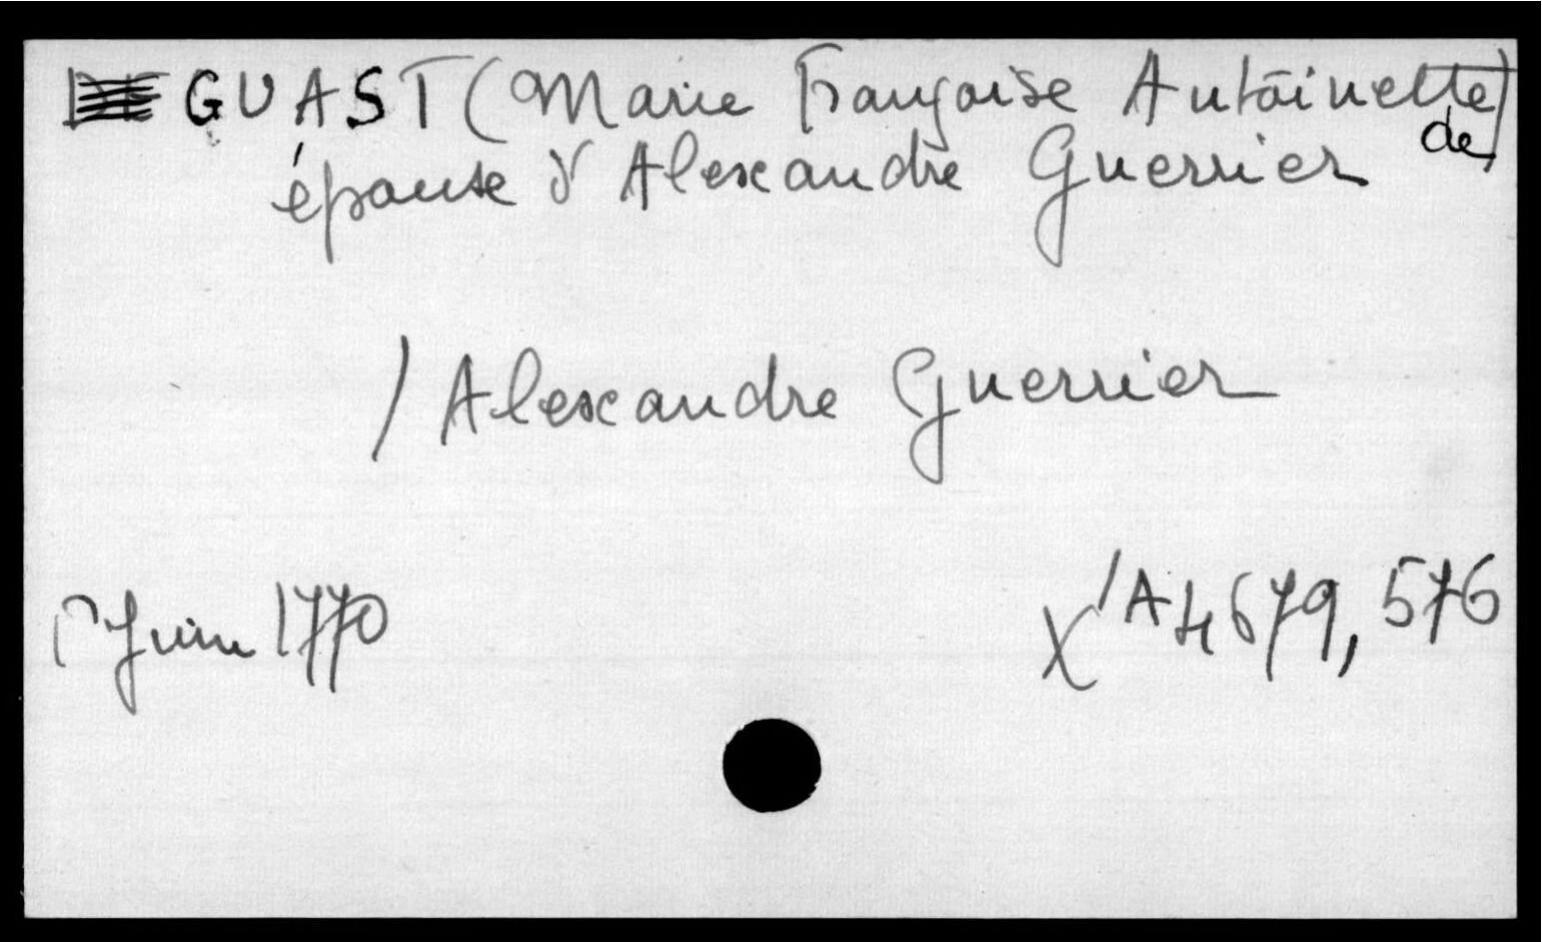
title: GUAST (Marie Françoise Antoinette de), épouse d'Alexandre Guerrier
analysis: Contre Alexandre Guerrier
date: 1er juin 1770
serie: X1A
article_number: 4679
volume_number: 576
